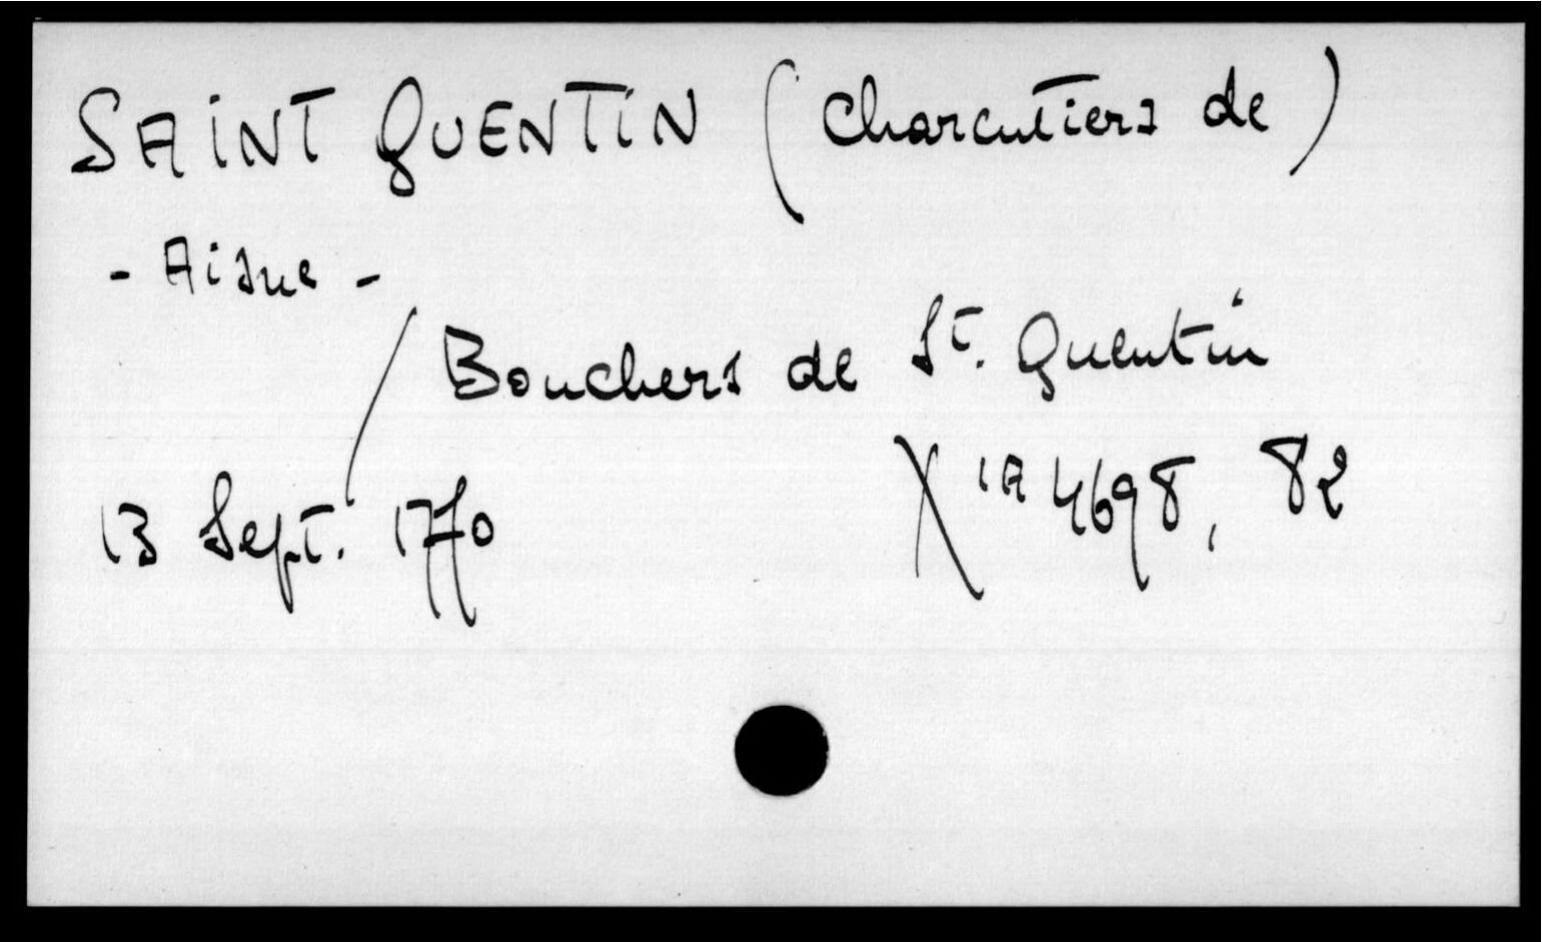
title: SAINT QUENTIN (Charcutiers de) - Aisne -
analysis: Contre Bouchers de Saint-Quentin
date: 13 septembre 1770
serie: X1A
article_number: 4698
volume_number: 82
